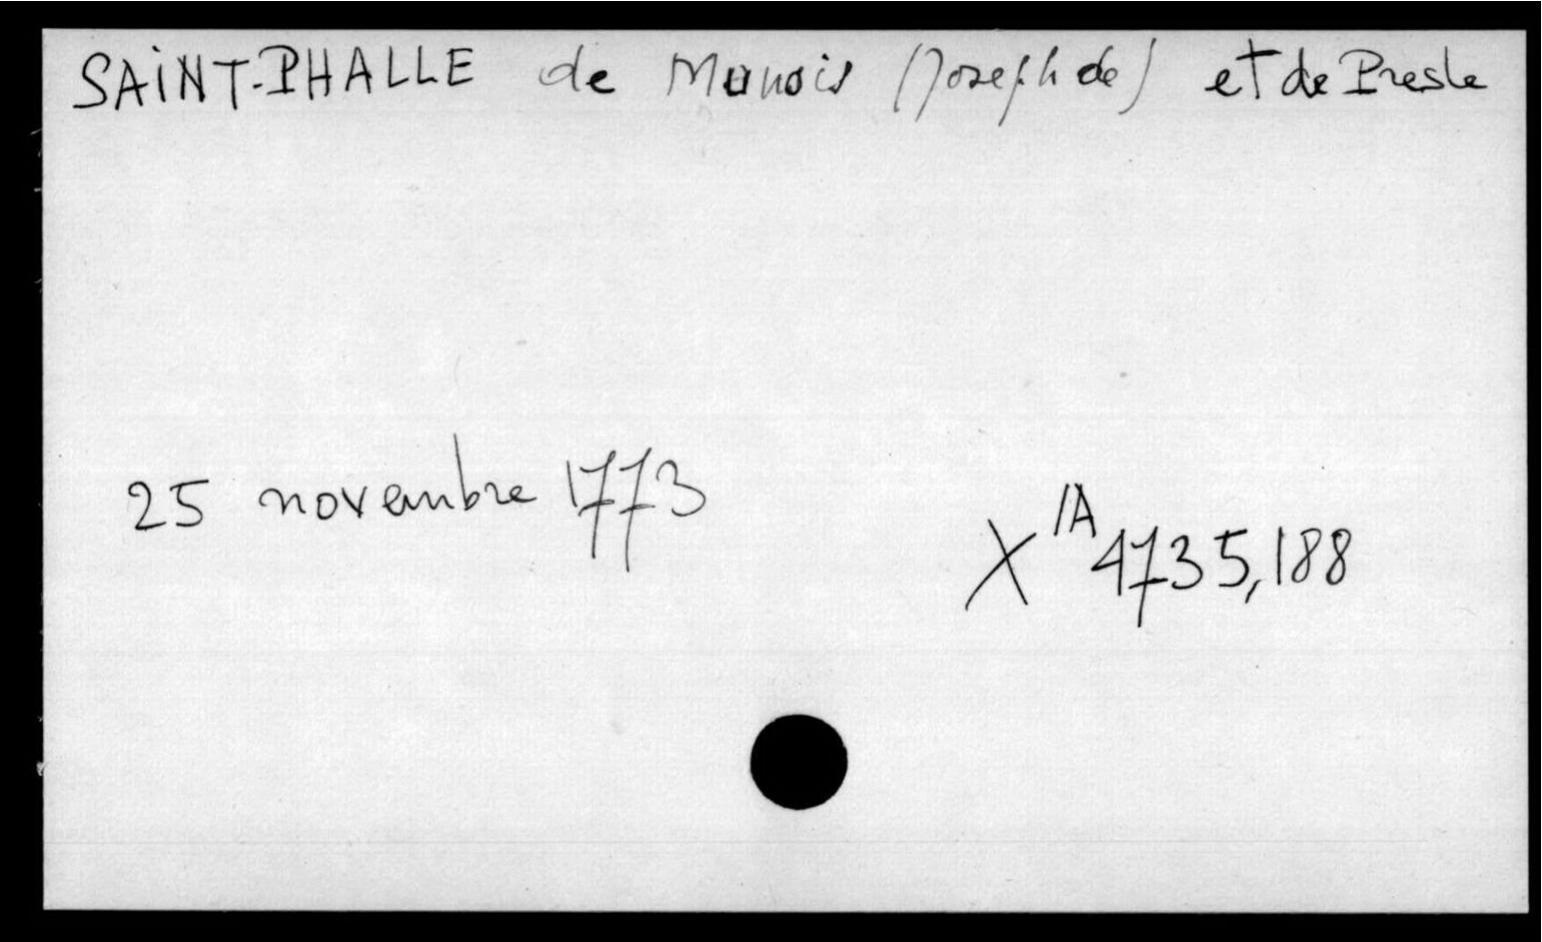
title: SAINT-PHALLE de Munois (Joseph de) et de Presle
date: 25 novembre 1773
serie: X1A
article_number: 4735
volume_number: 188
